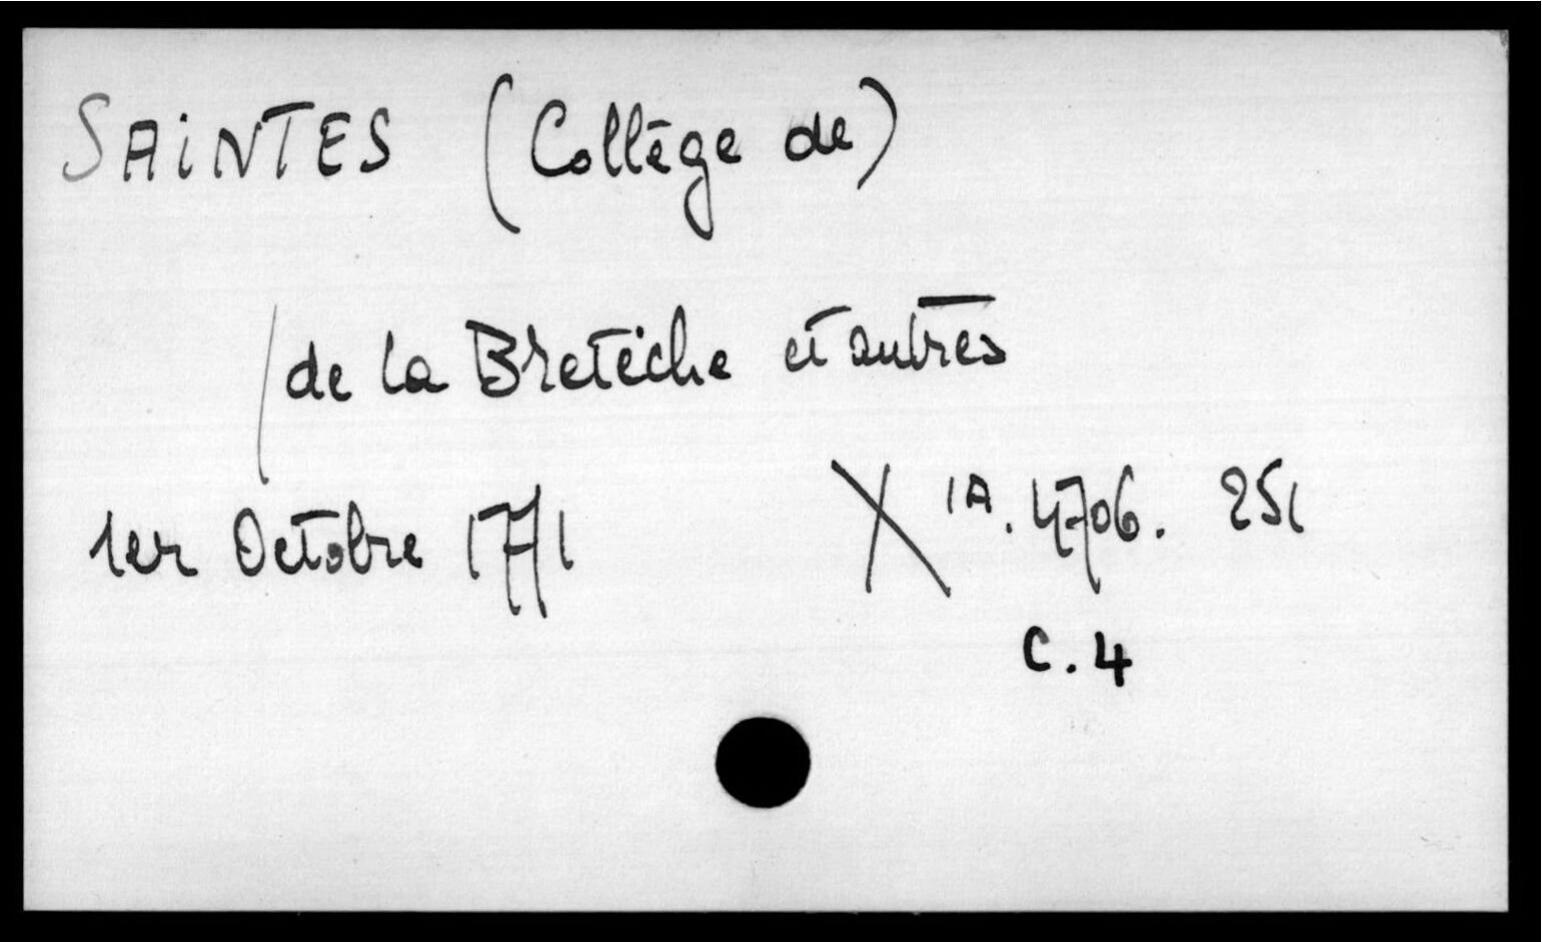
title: SAINTES (Collège de)
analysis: Contre de la Bretêche et autres
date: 1 octobre 1771
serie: X1A
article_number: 4706
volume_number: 251 Conseil, 4
